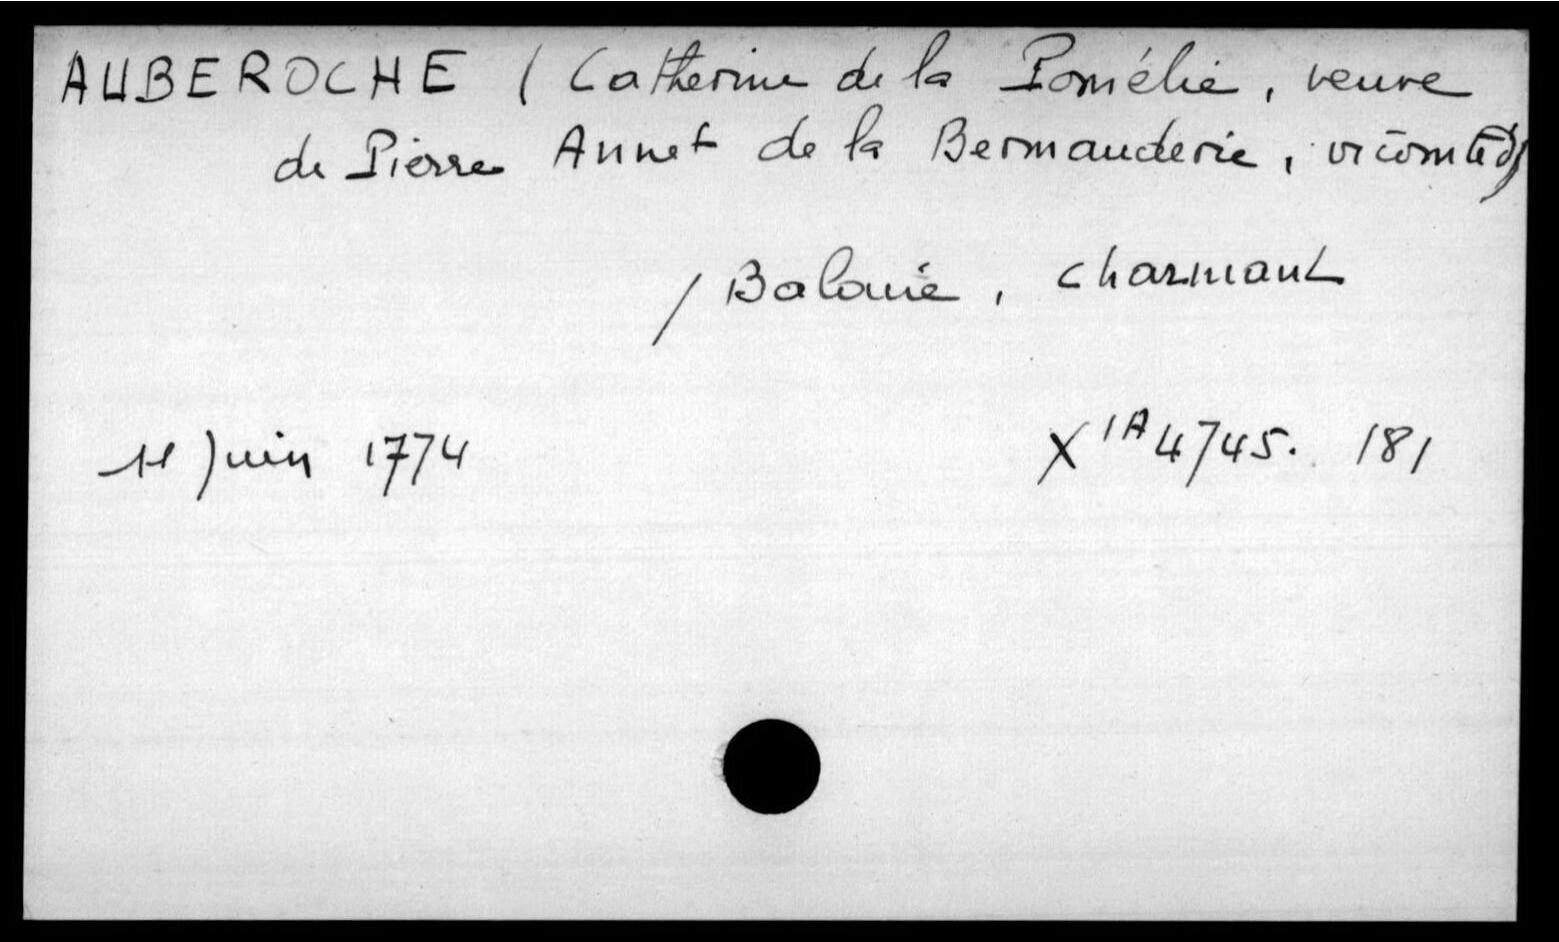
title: AUBEROCHE (Catherine de la Pomélie, veuve de Pierre Annet de la Bernauderie, vicomte d')
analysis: Contre Balouie, charmant
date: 11 juin 1774
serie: X1A
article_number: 4745
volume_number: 181
